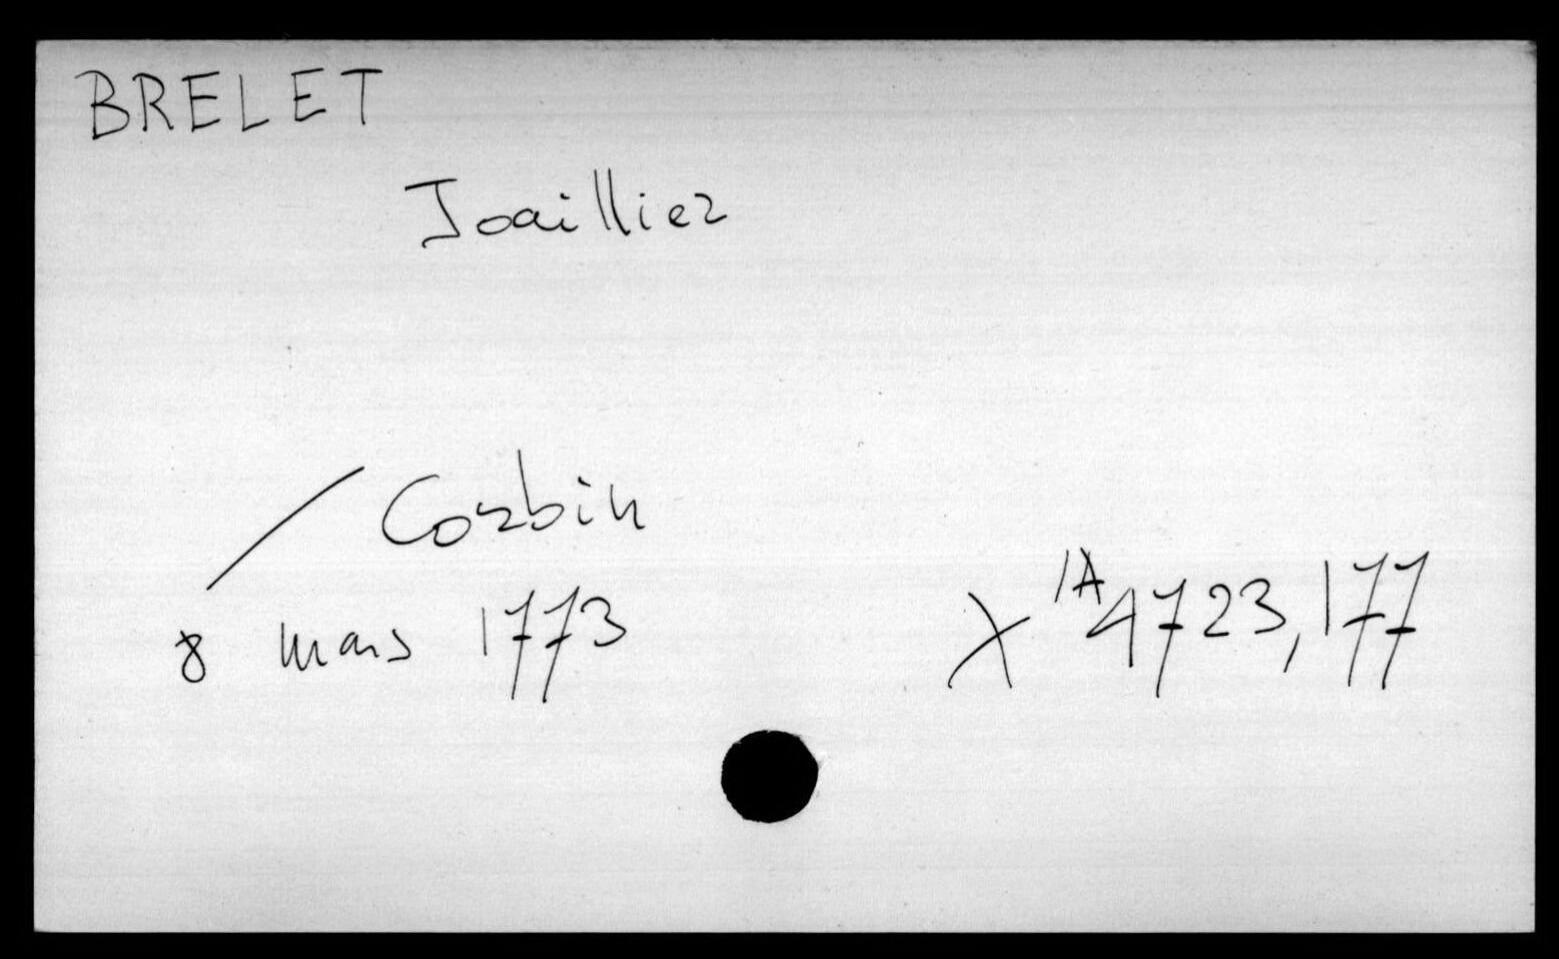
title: BRELET Jaaillier
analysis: Contre Corbin
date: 8 mars 1773
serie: X1A
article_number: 4723
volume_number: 177
